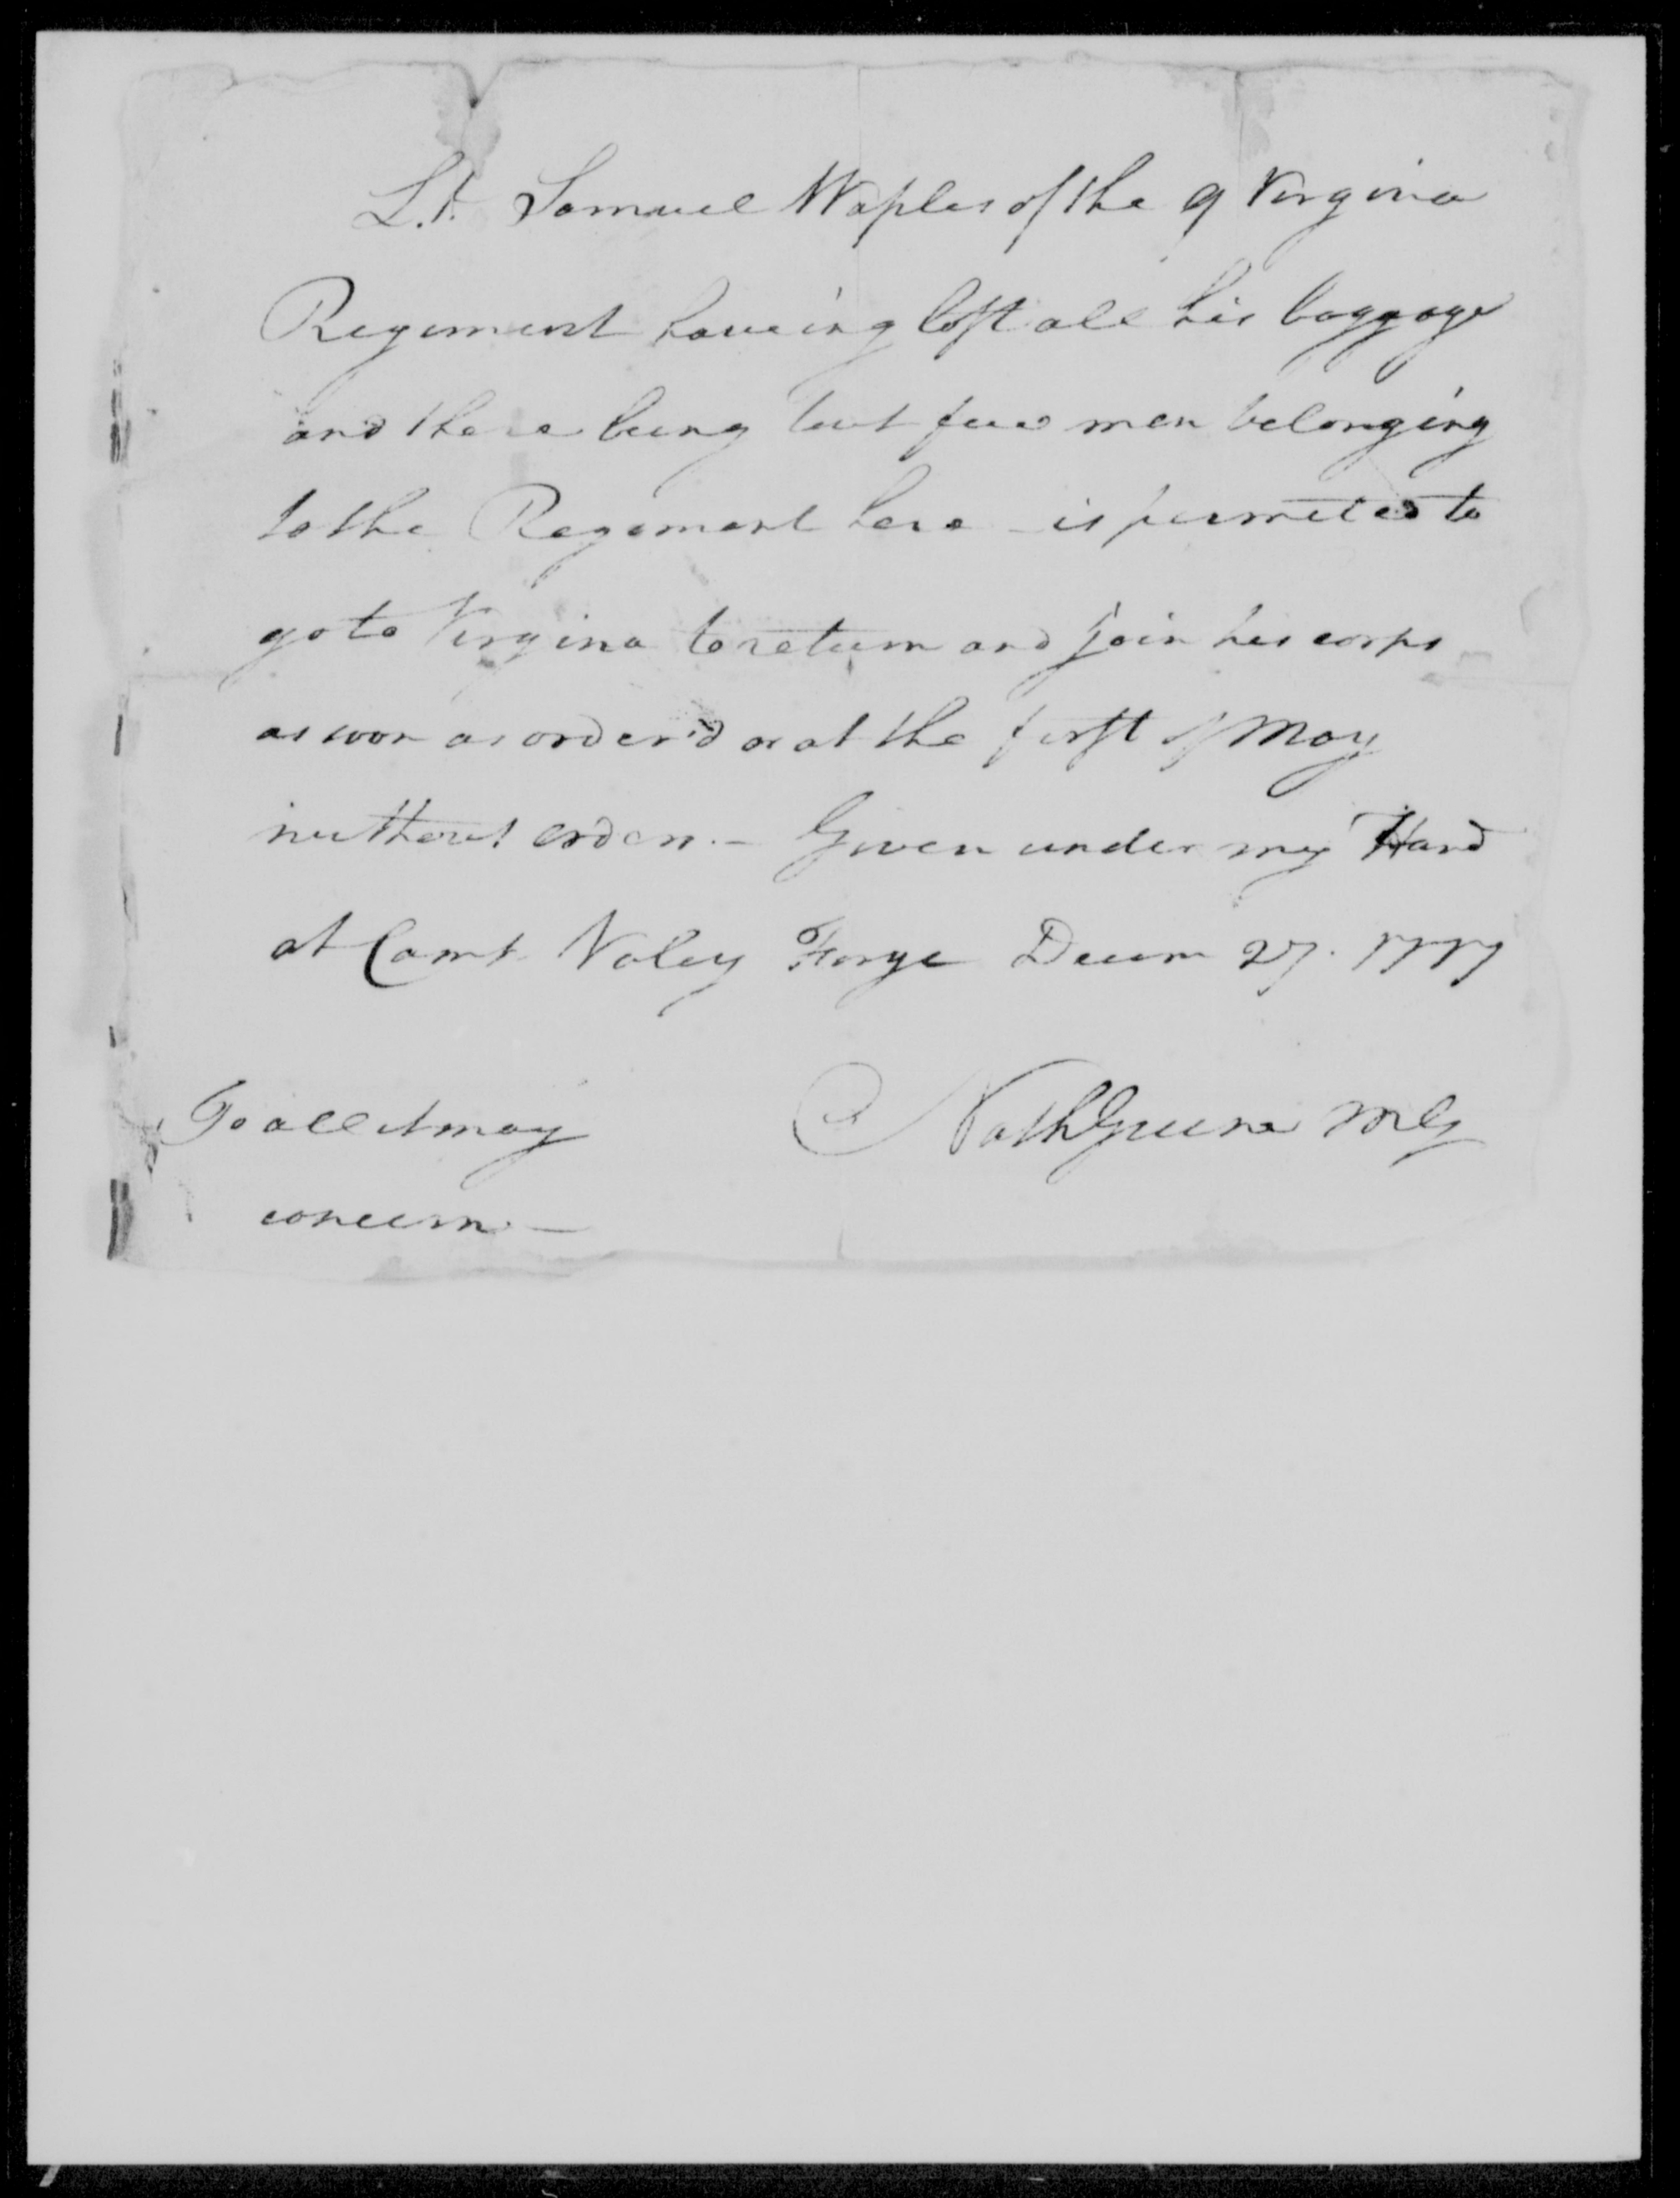Lt. Samuel Waples of the 9 Virginia
Regiment having lost all his baggage
and there being but few men belonging
to the Regiment here - is permited to
go to Virginia to return and join his corps
as soon as order'd or at the fifth of May
without orders. - Given under my Hand
at Camp Valey Forge Decem 27, 1777
Nath Greene MG
To all it may
concern -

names: Nath Green, Samuel Waples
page: 53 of 59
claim: widow's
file: W. 6427, Samuel Waples, Va.